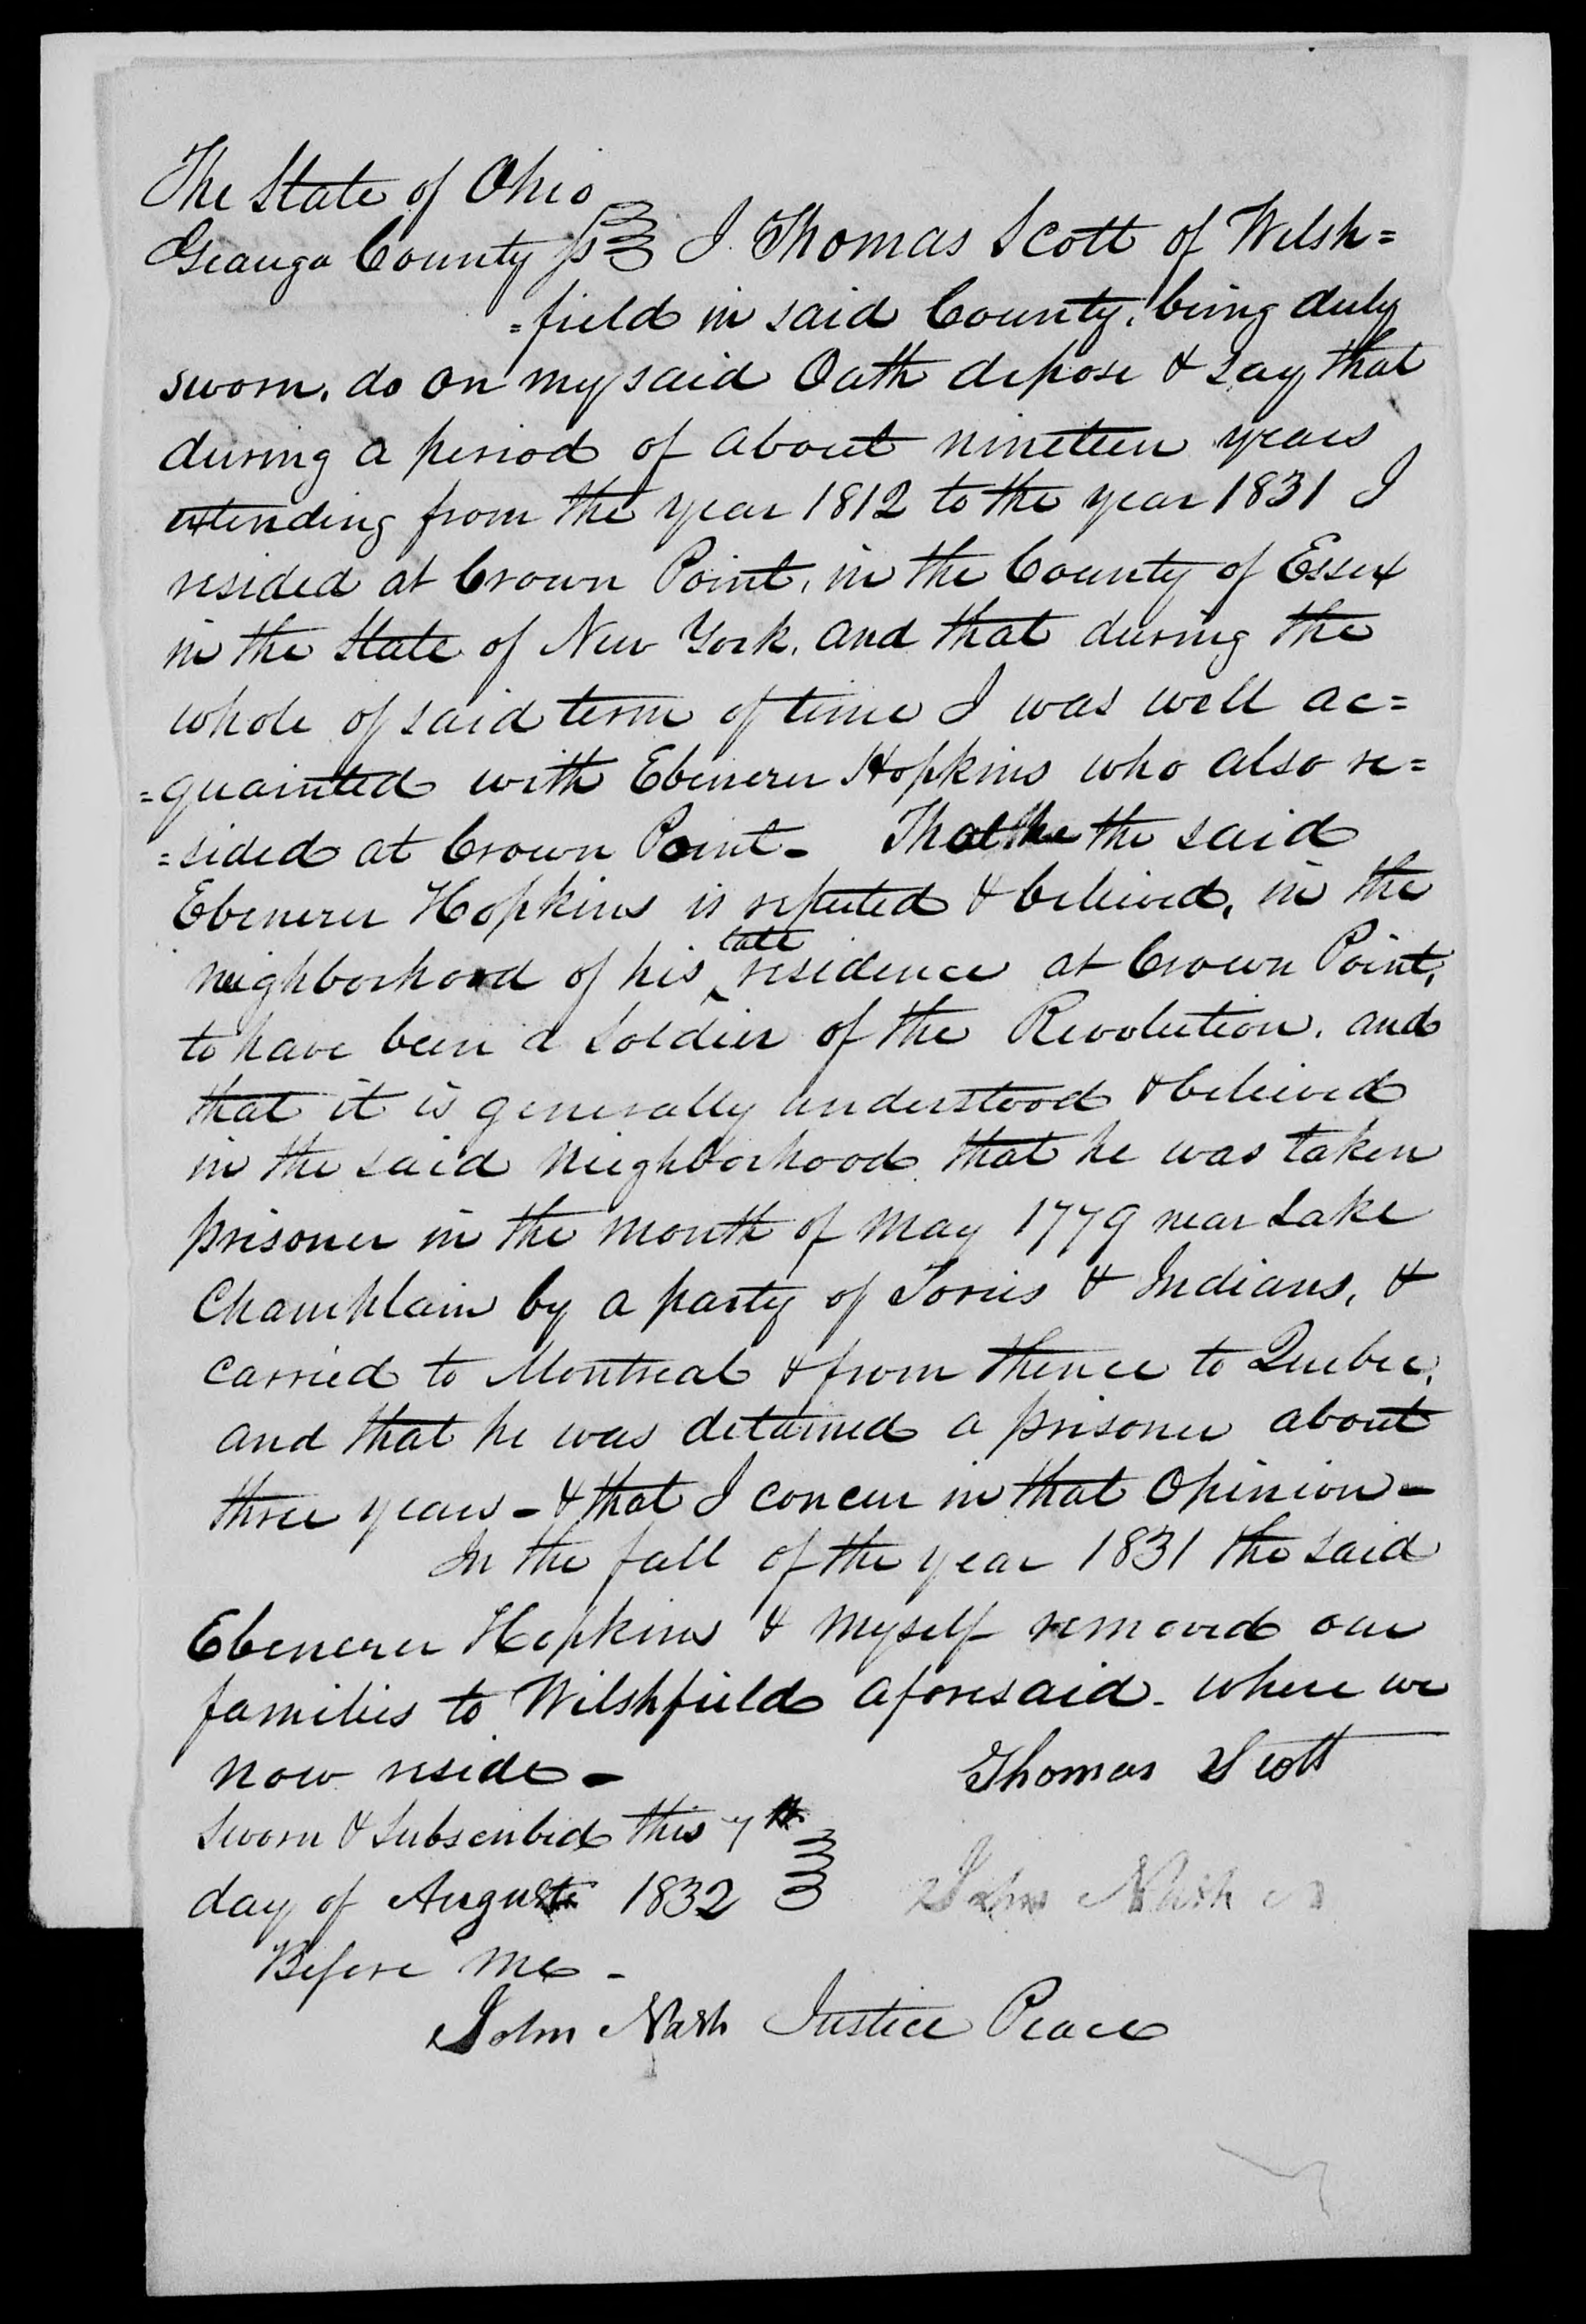The State of Ohio}
Geauga County} ss I Thomas Scott of Welshfield in said County, being duly
sworn do on my said oath depose & say that during a period of about nineteen years extending from the year 1812 to the year 1831 I resided at Crown Point, in the County of Essex in the State of New York, and that during the whole of said term of time I was well acquainted with Ebenezer Hopkins who also resided at Crown Point. That he the said Ebenezer Hopkins is reputed & believed, in the 
neighborhood of his residence at Crown Point, to have been a soldier of the Revolution, and that it is generally understood & believed in the said neighborhood that he was taken prisoner in the month of May 1779 near Lake
Champlain by a party of Tories & Indians & carried to Montreal & from thence to Quebec, and that he was detained a prisoner about three years-- & that I concur in that opinion-
In the fall of the year the said Ebenezer Hopkins & myself removed our 
families to Wilshfield aforesaid where we now reside-  Thomas Scott
Sworn & Subscribed this 7th
day of August 1832} 
Before me
John Nash Justice Peace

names: Ebenezer Hopkins, Thomas Scott, John Nash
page: 104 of 144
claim: rejected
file: R. 5208, Dennis Hopkins, N.C.